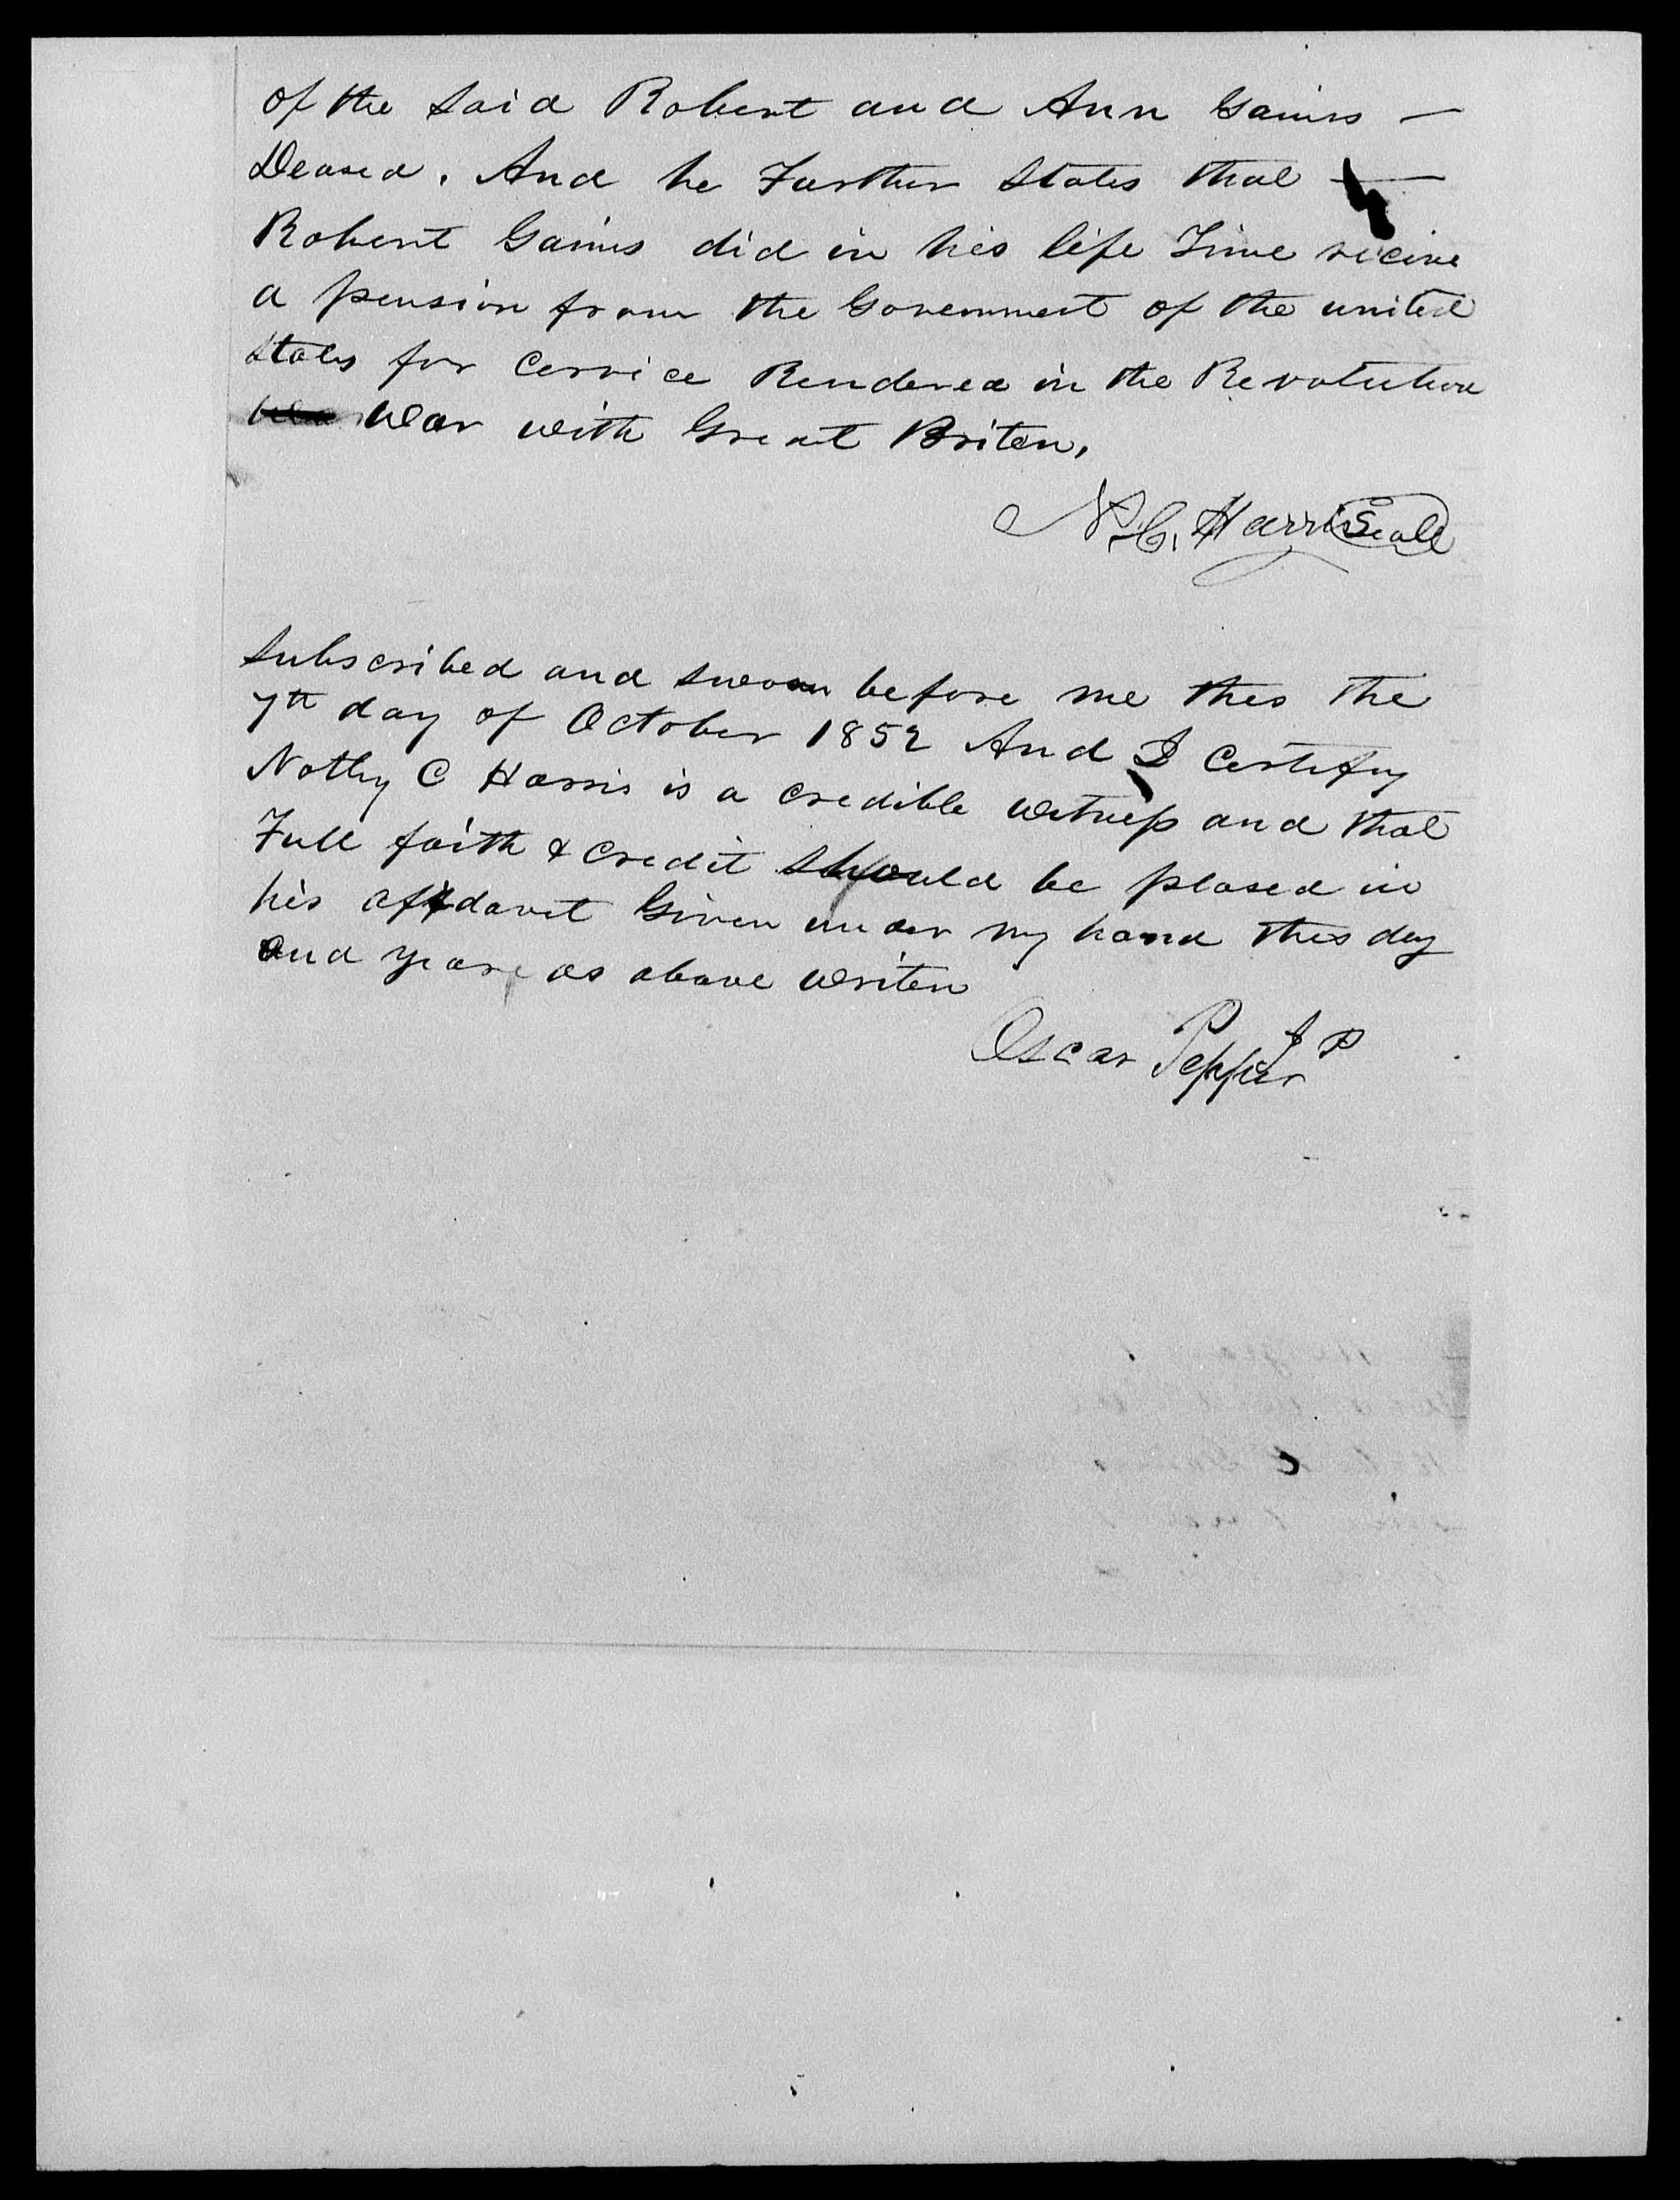of the said Robert and Ann Gaines -
Deased, And he further States that -
Robert Gaines did in his life time recive
a pension from the Government of the United 
States for cervice rendered in the Revolution
War with Great Briton,
H. C. Harris Seal

Subscribed and sworn before me this the
7th day of October 1852 And I certify
Nothy C Harris is a credible witness and that
full faith & credit should be placed in
his affidavit Given under my hand this day
and year as above writen
Oscar Pepper J P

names: Oscar Pepper, N C Harris, Notley C Harris, Ann Gaines, Robert Gaines, Robert Gaines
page: 14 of 79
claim: rejected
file: R. 3863, Robert Gaines, Va.